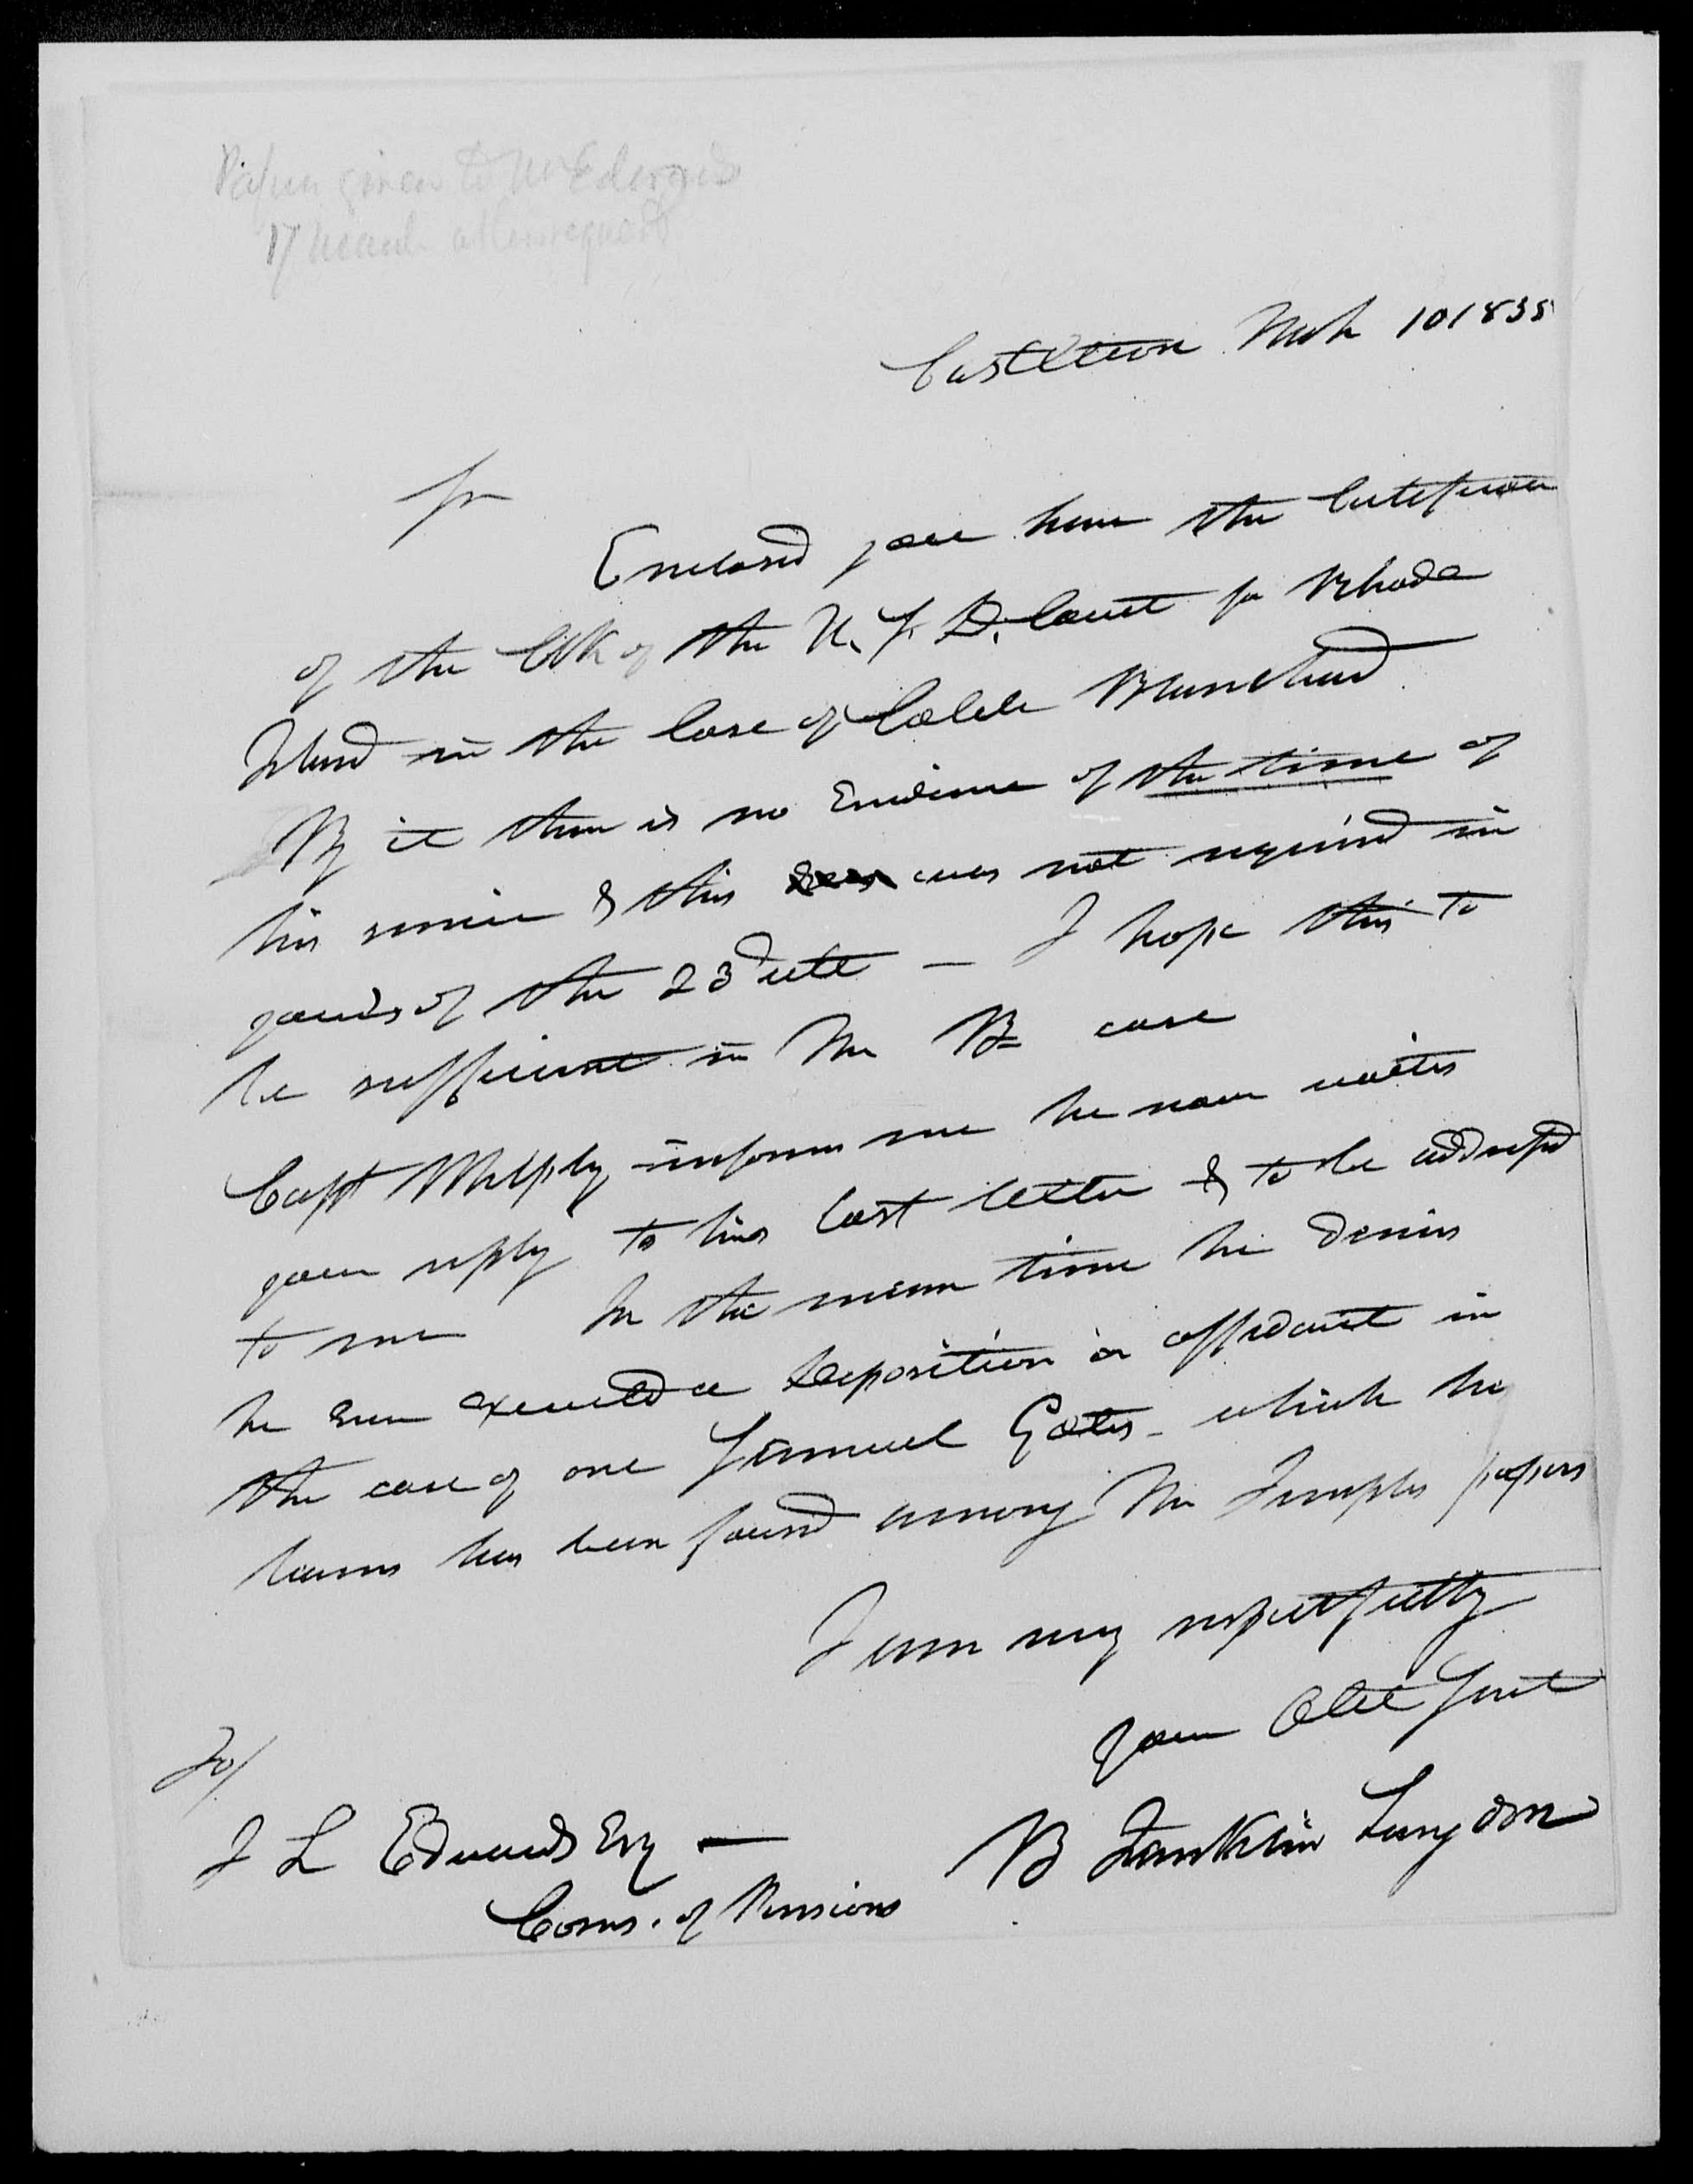Paper given to Wm Edergis
17 March [illegible]
Castleton March 10 1835
Sir I [illegible] you him the [illegible] of the Clk.  of the N.Y. District for Rhode Island in the case of Caleb Blanchard [illegible] it there is no evidence of the time of his service & this was not required in [illegible] of the 23d ult
I hope this to be sufficient in Mr B case
Capt Wesly inform me he now awaits your 
reply to his last letter & to be addressed
to be indebted to me In the mean time he denies he seen [illegible] Deposition or
affidavit in the case of one Samuel Gates
which he [illegible] has been found among Mr Temples papers
I am very respectfully
your Obt Sert
B Franklin Langdon
To J L Edwards Esq Coms. of Pensions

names: B Franklin, J L Edwards, Samuel Eates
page: 17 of 17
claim: survivor's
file: S. 21,645, Caleb Blanchard, R. I.